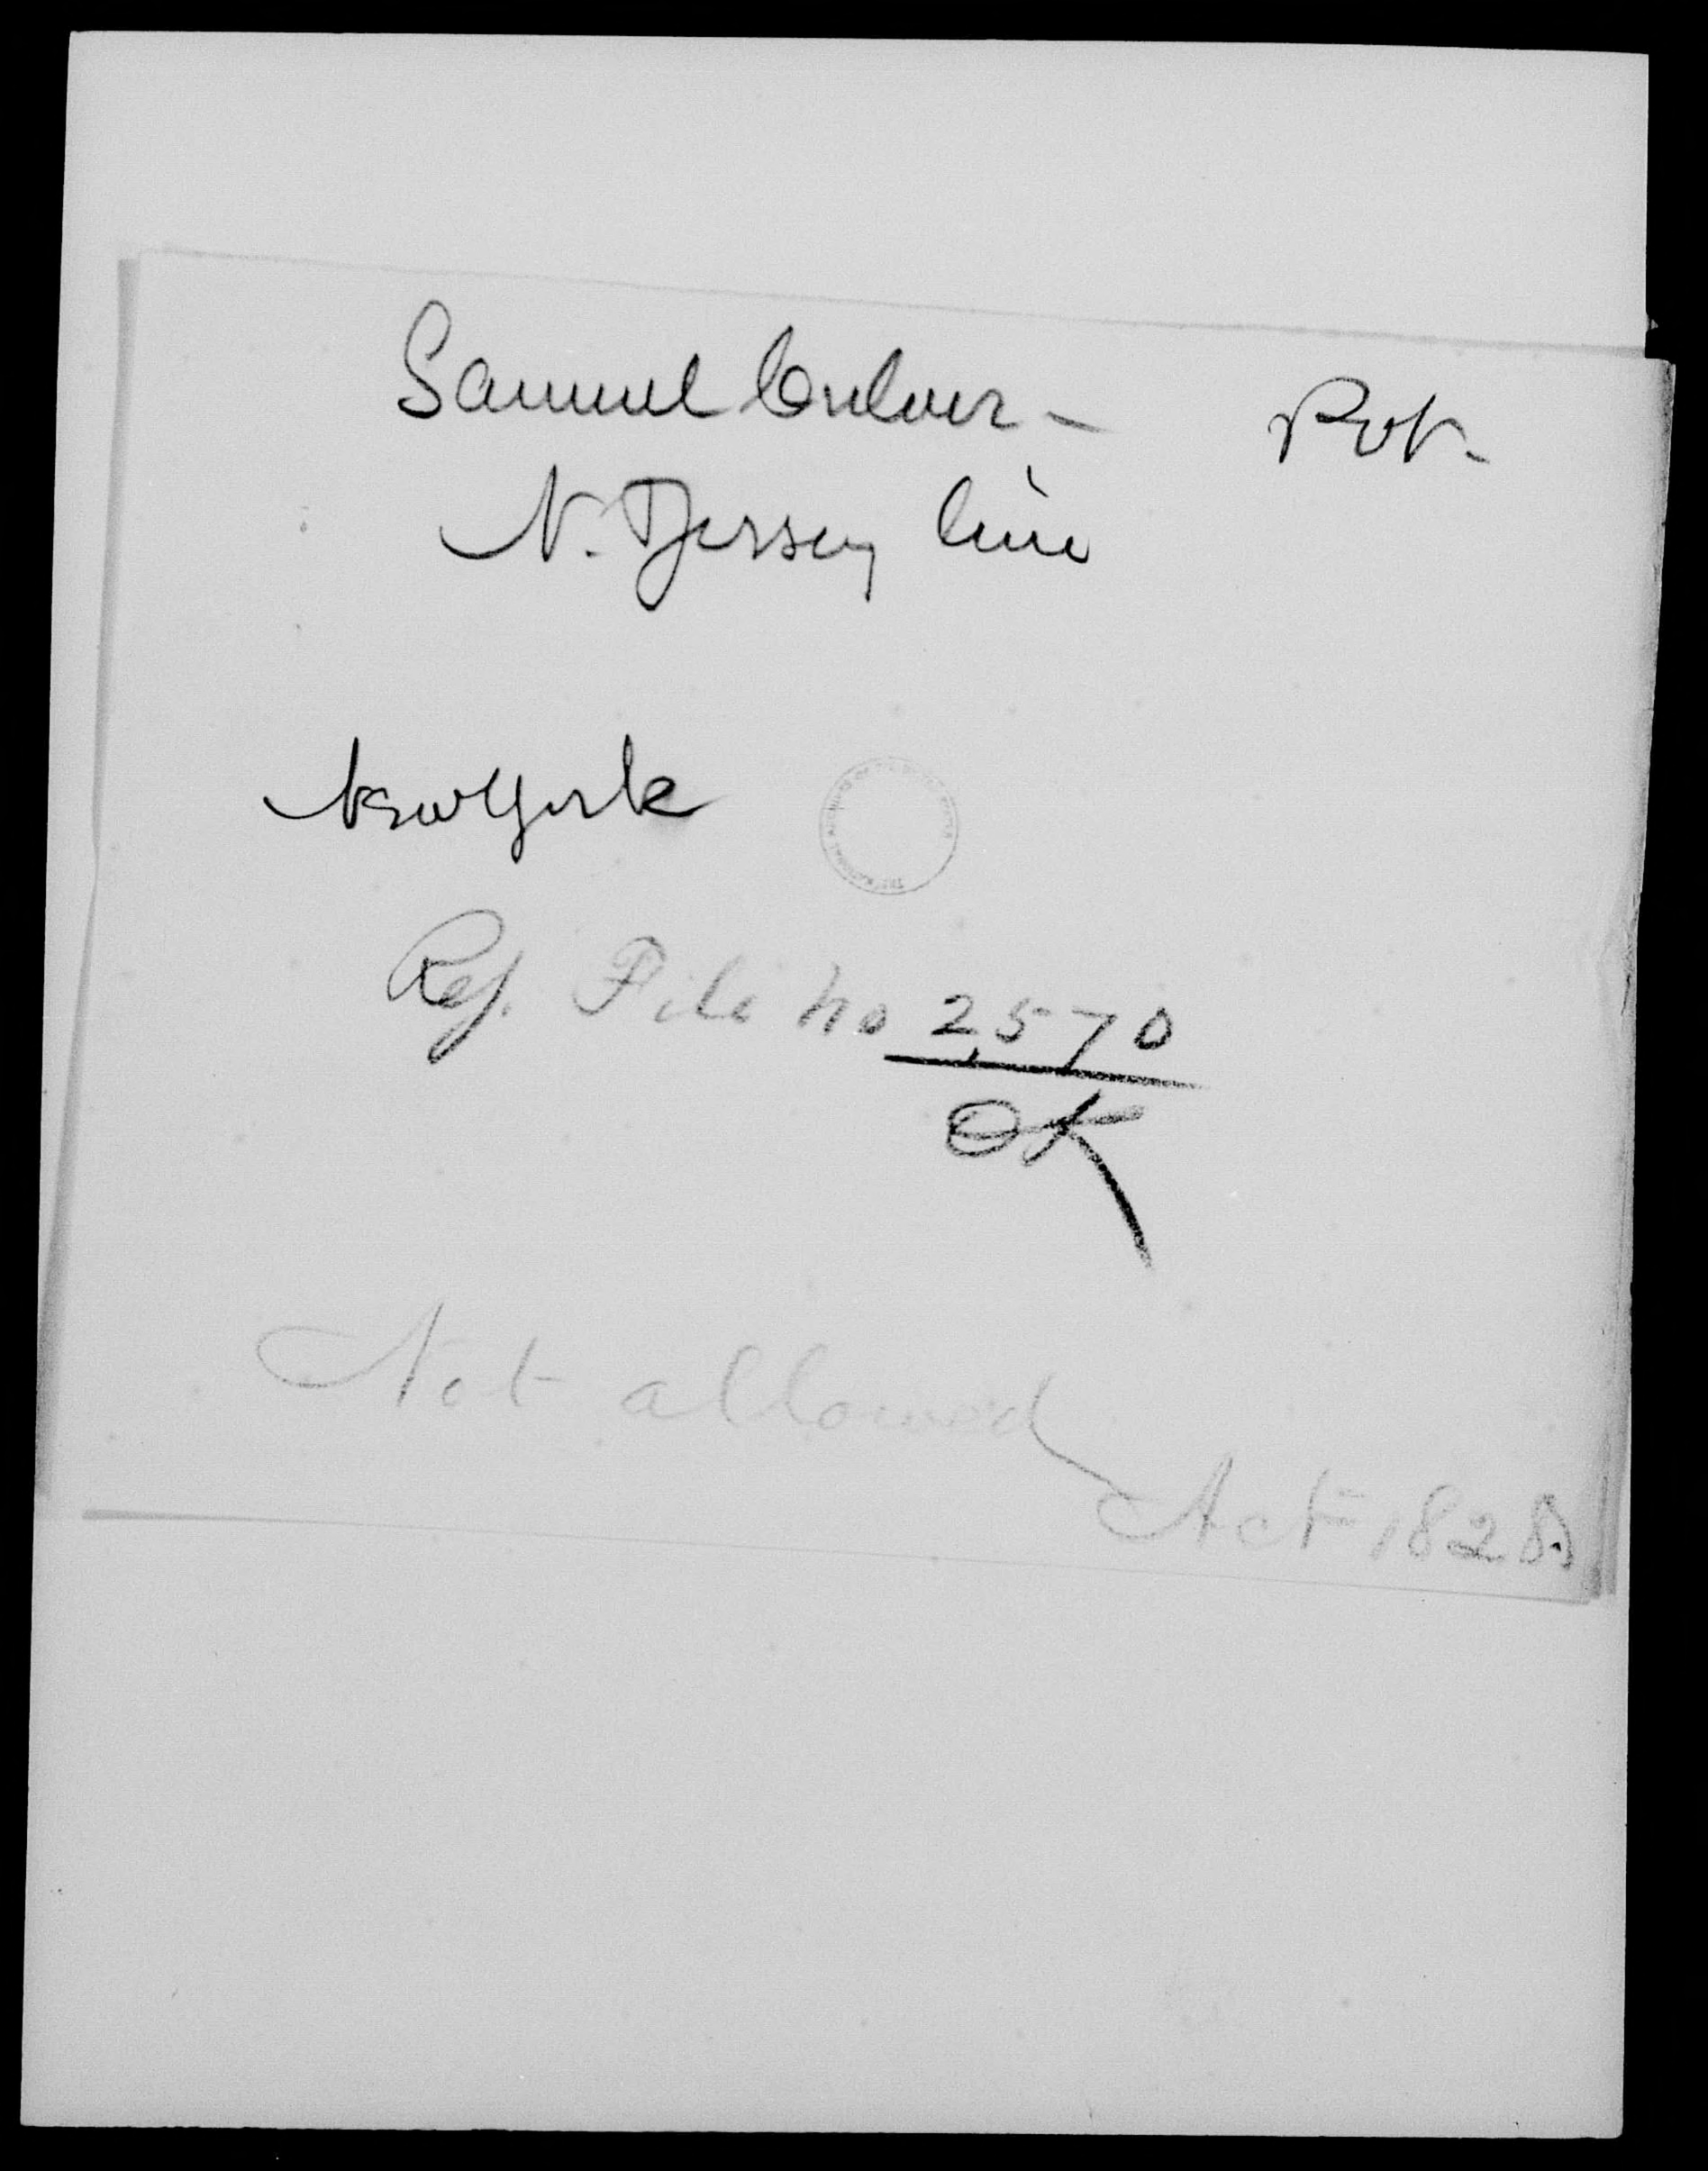Samuel Culver – Pvt.
N. Jersey ling

New York 
[stamp – The National Archives of the United States]

Ref. File No 2570
OK [initials]

Not allowed 
	Act 1828.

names: Samuel Culver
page: 20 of 40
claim: rejected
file: R. 1,570, Samuel Culver, New Jersey